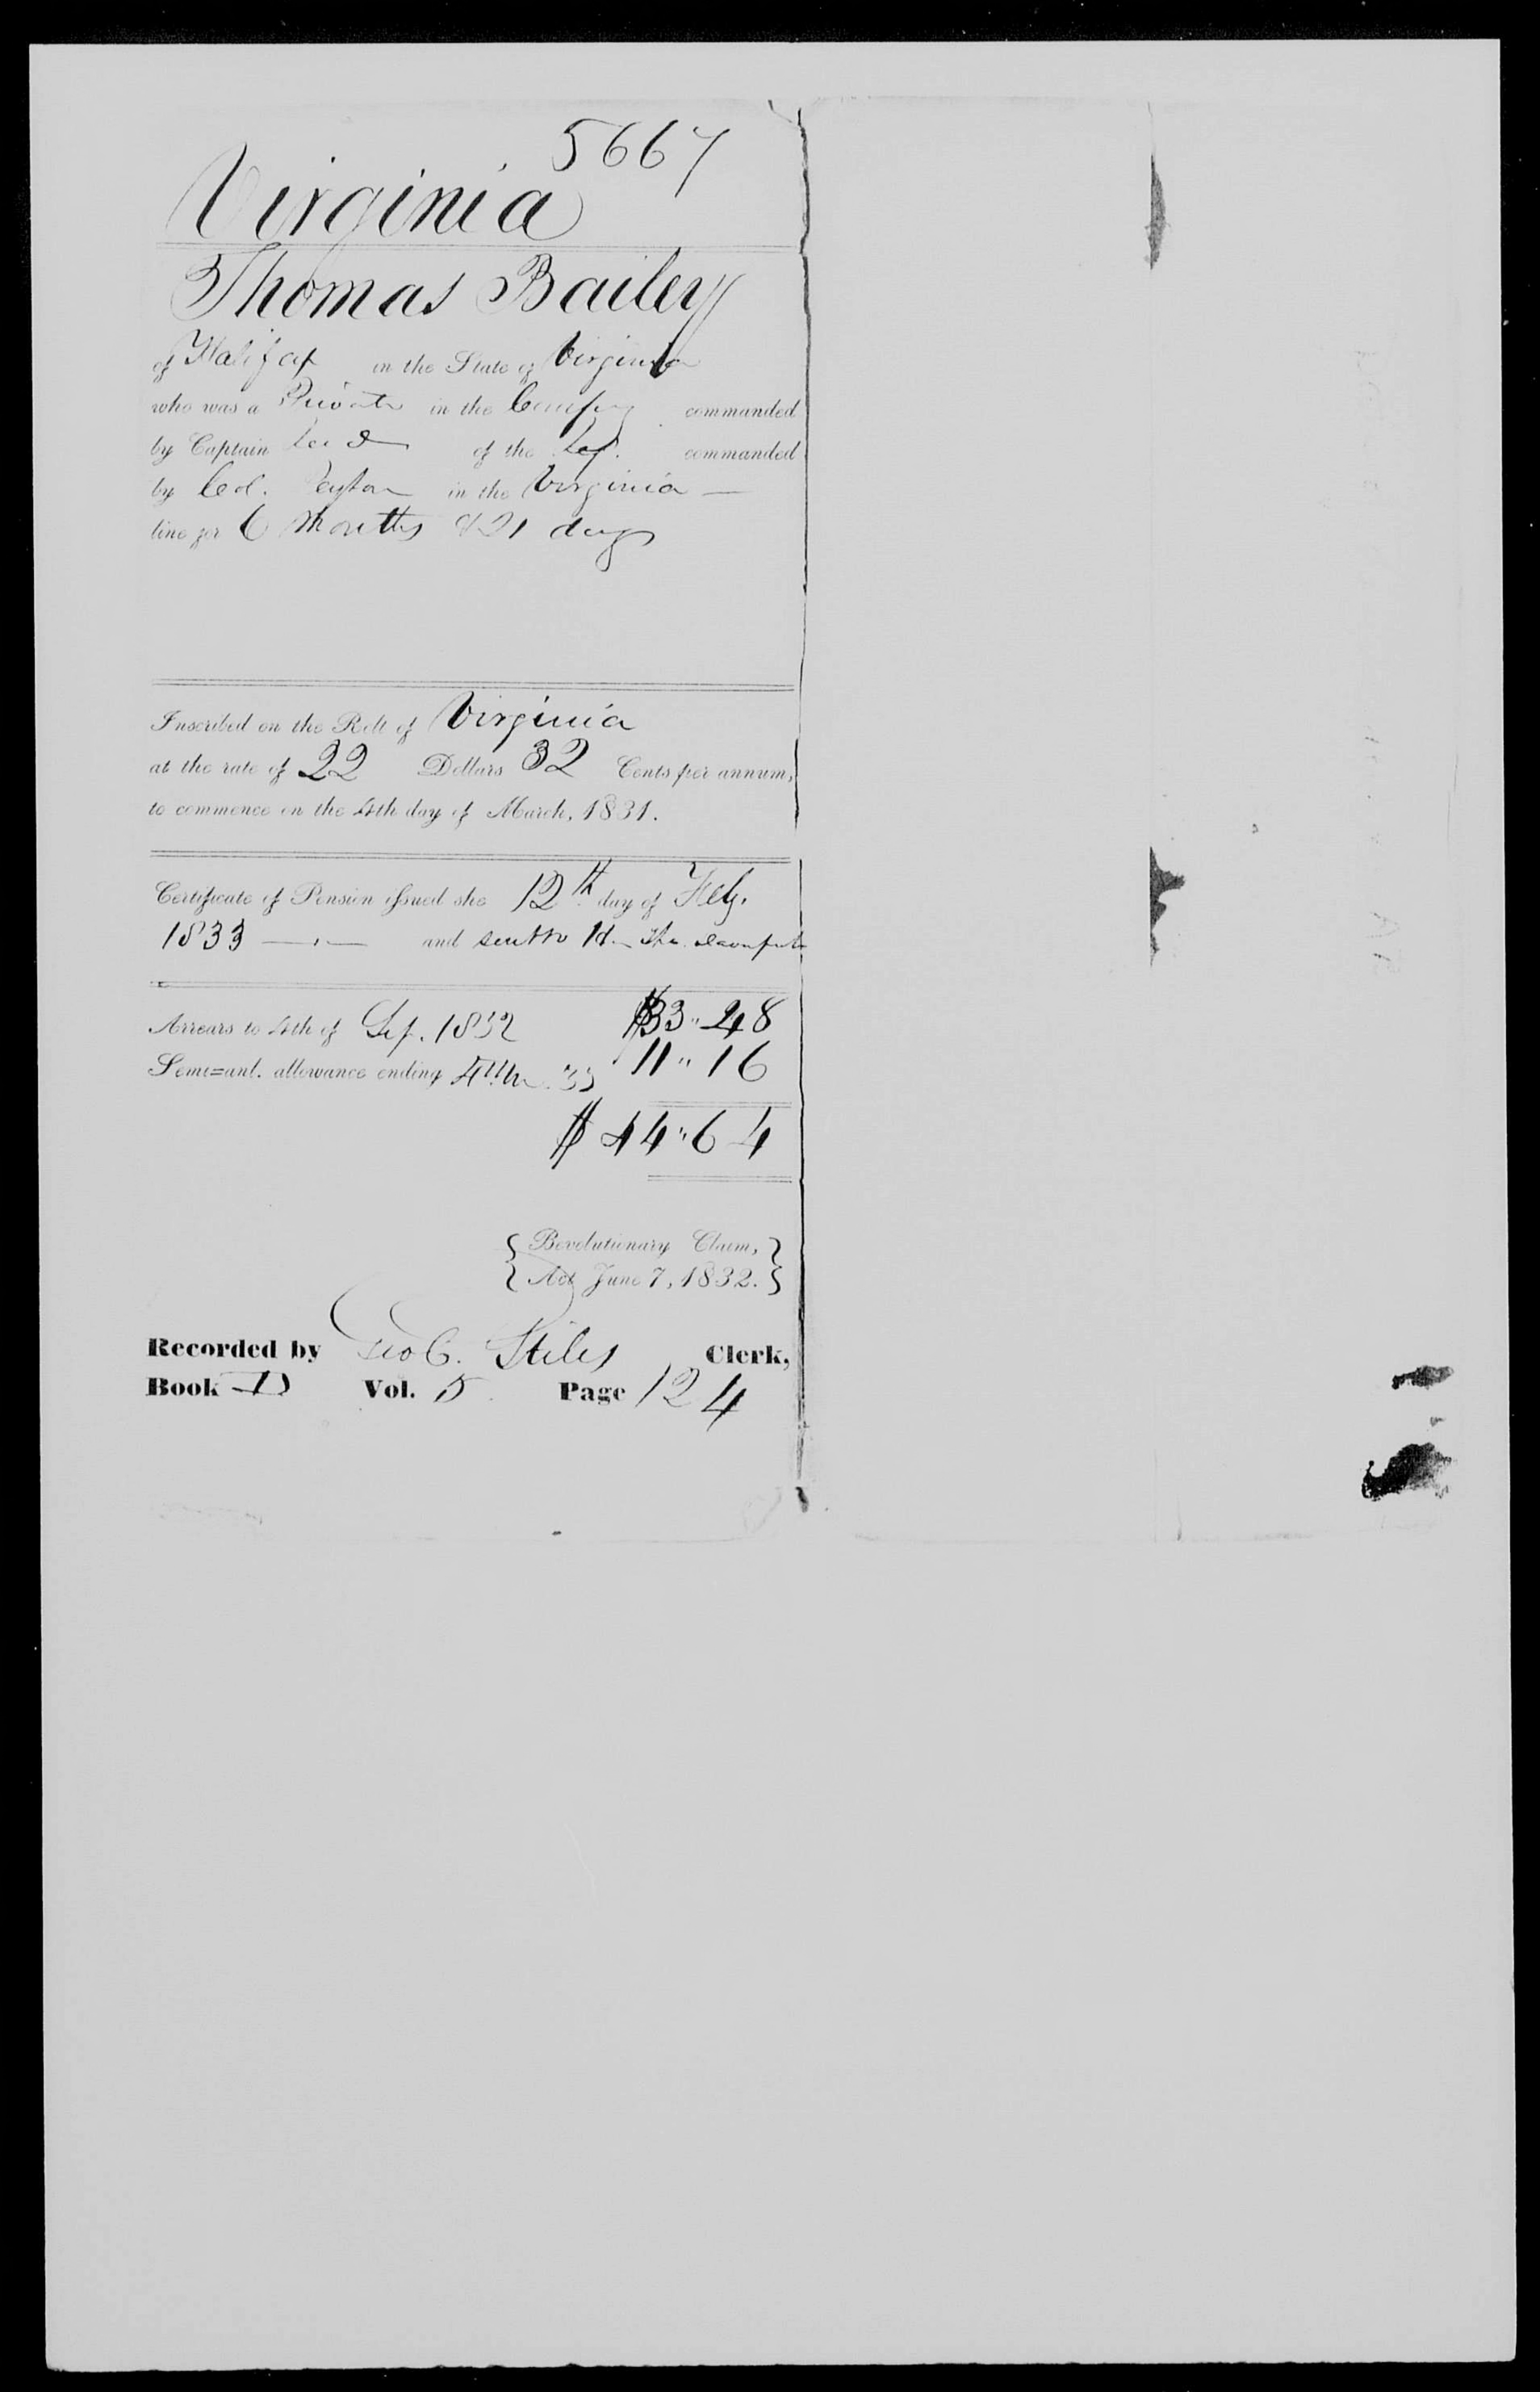5667
Virginia
Thomas Bailey
of Halifax in the State of Virginia
who was a private in the Company commanded
by Captain Reed of the Rgt commanded
by Col. Peyton in the Virginia
line for 6 months + 21 days

Inscribed on the Roll of Virginia
at the rate of 22 Dollars 32 Cents per annum,
to commence on the 4th day of March, 1831.

Certificate of Pension issued the 12th day of Feb.
1833 -  and sent to Hon Thos. Davenport

Arrears to 4th of Sep. 1832                  $33.48
Semi=anl. allowance ending 4th .35     $11.16
                                                             $44.64
{Revolutionary Claim,
Act June7, 1832.}
Recorded by Geo C. Stiles Clerk,
Book D Vol. 5 Page 124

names: Thomas Bailey, Geo C Stiles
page: 2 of 18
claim: survivor's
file: S. 6578, Thomas Bailey, Va.